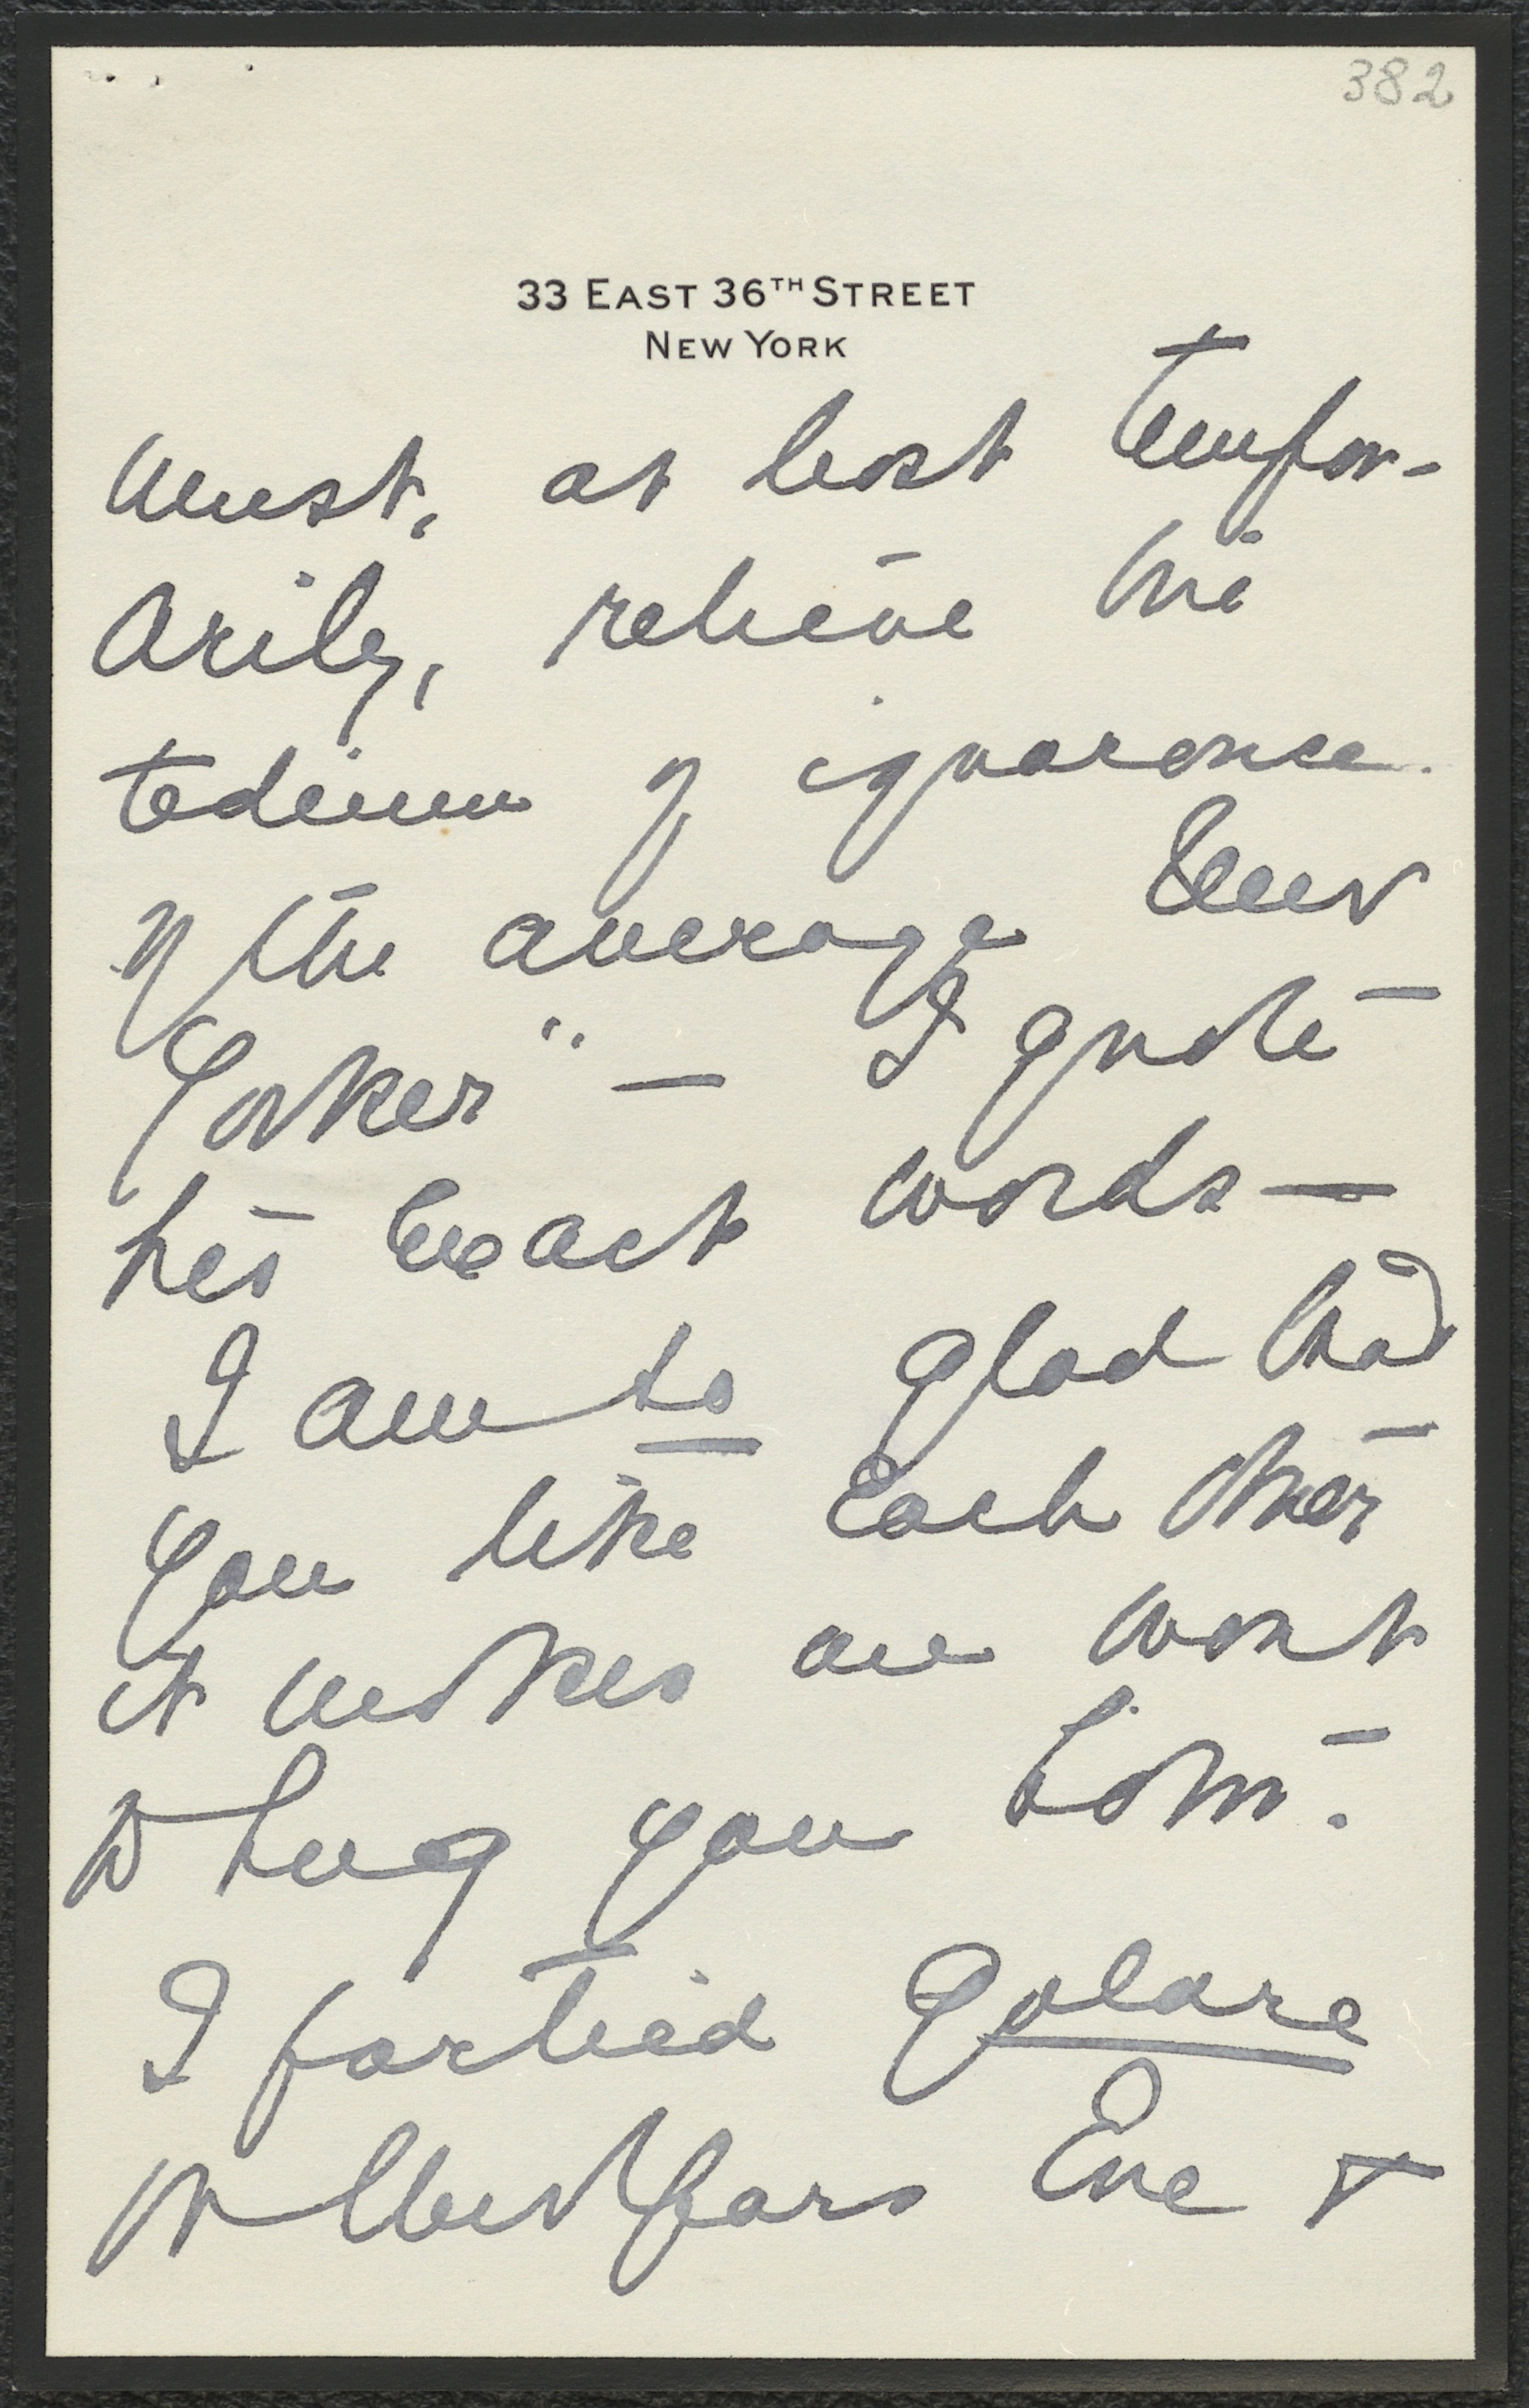must, at least temporarily, relieve the tedium of ignorance of the average New Yorker” – I quote his exact words –
I am so glad that you like each other it makes me want to hug you both. –
I partied galore on New Years Eve &